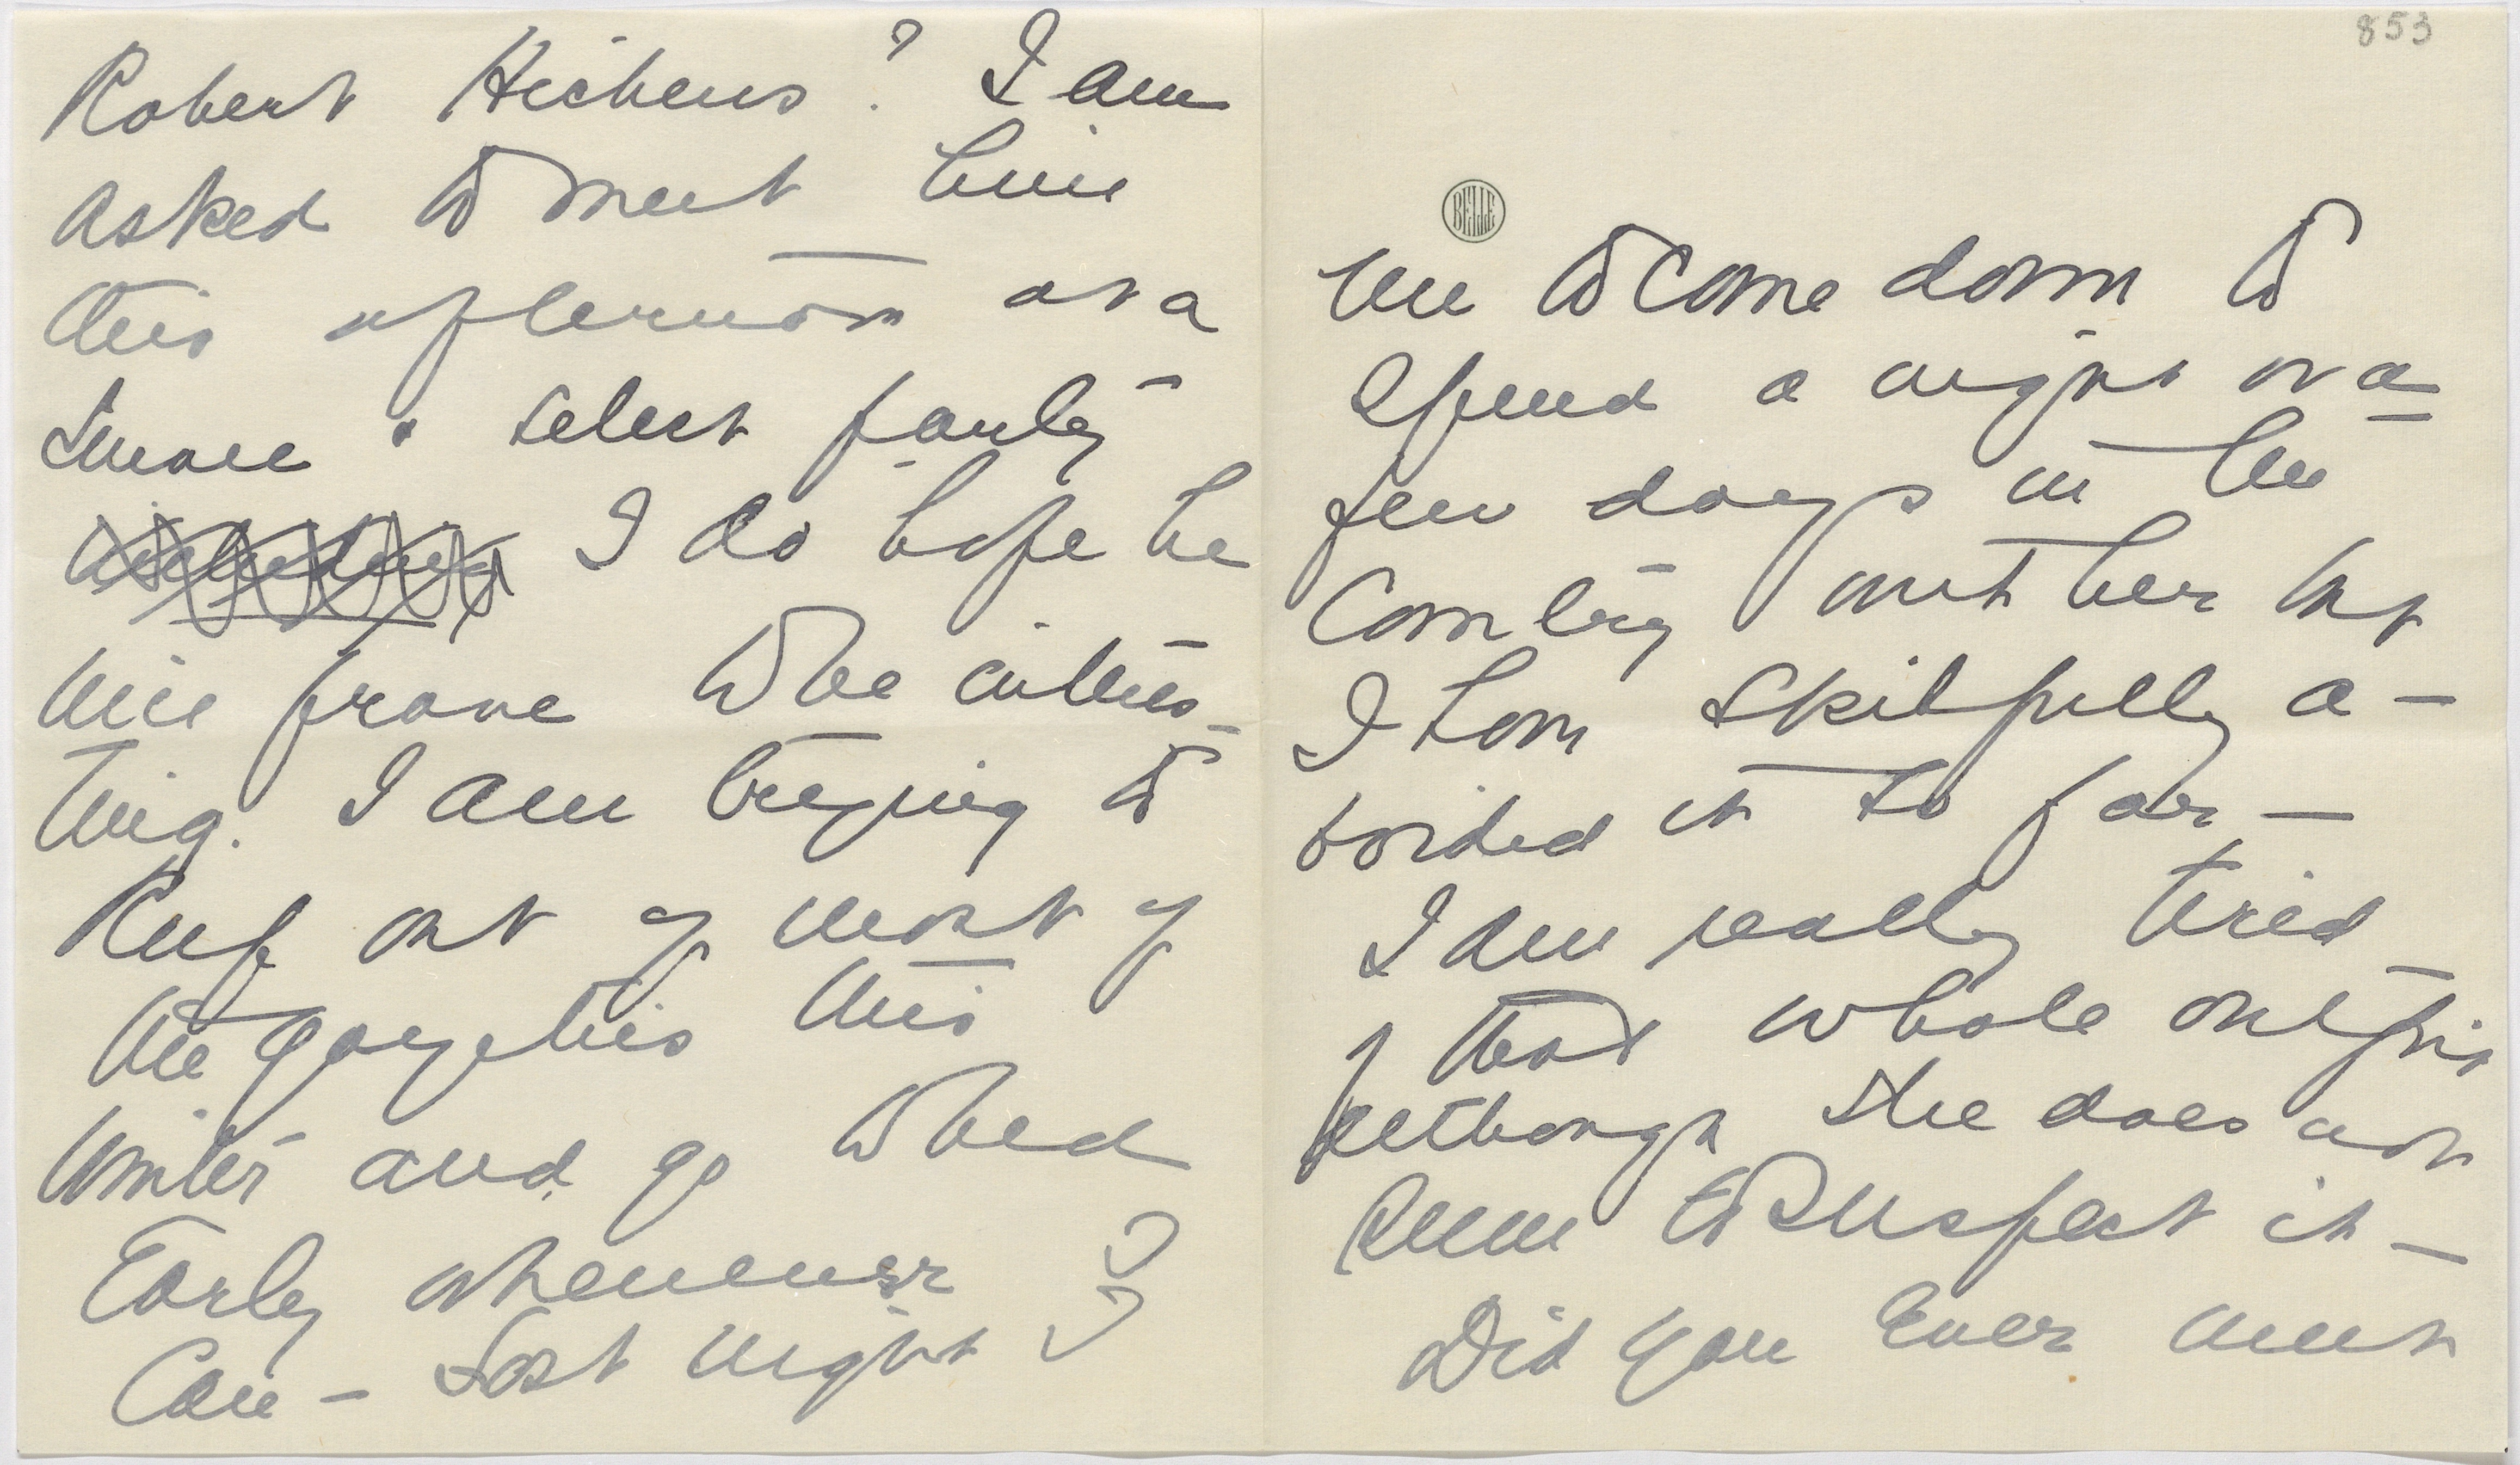me to come down to spend a night or a few days in the country with her but I have skilfully [sic] avoided it so far –
I am really tired of that whole outfit although she does not seem to suspect it –
Did you ever meet
Robert Hichens? I am asked to meet him this afternoon at a small & select party including I do hope he will prove to be interesting. I am trying to keep out of most of the gayeties this winter and go to bed Early whenever I can – Last night I